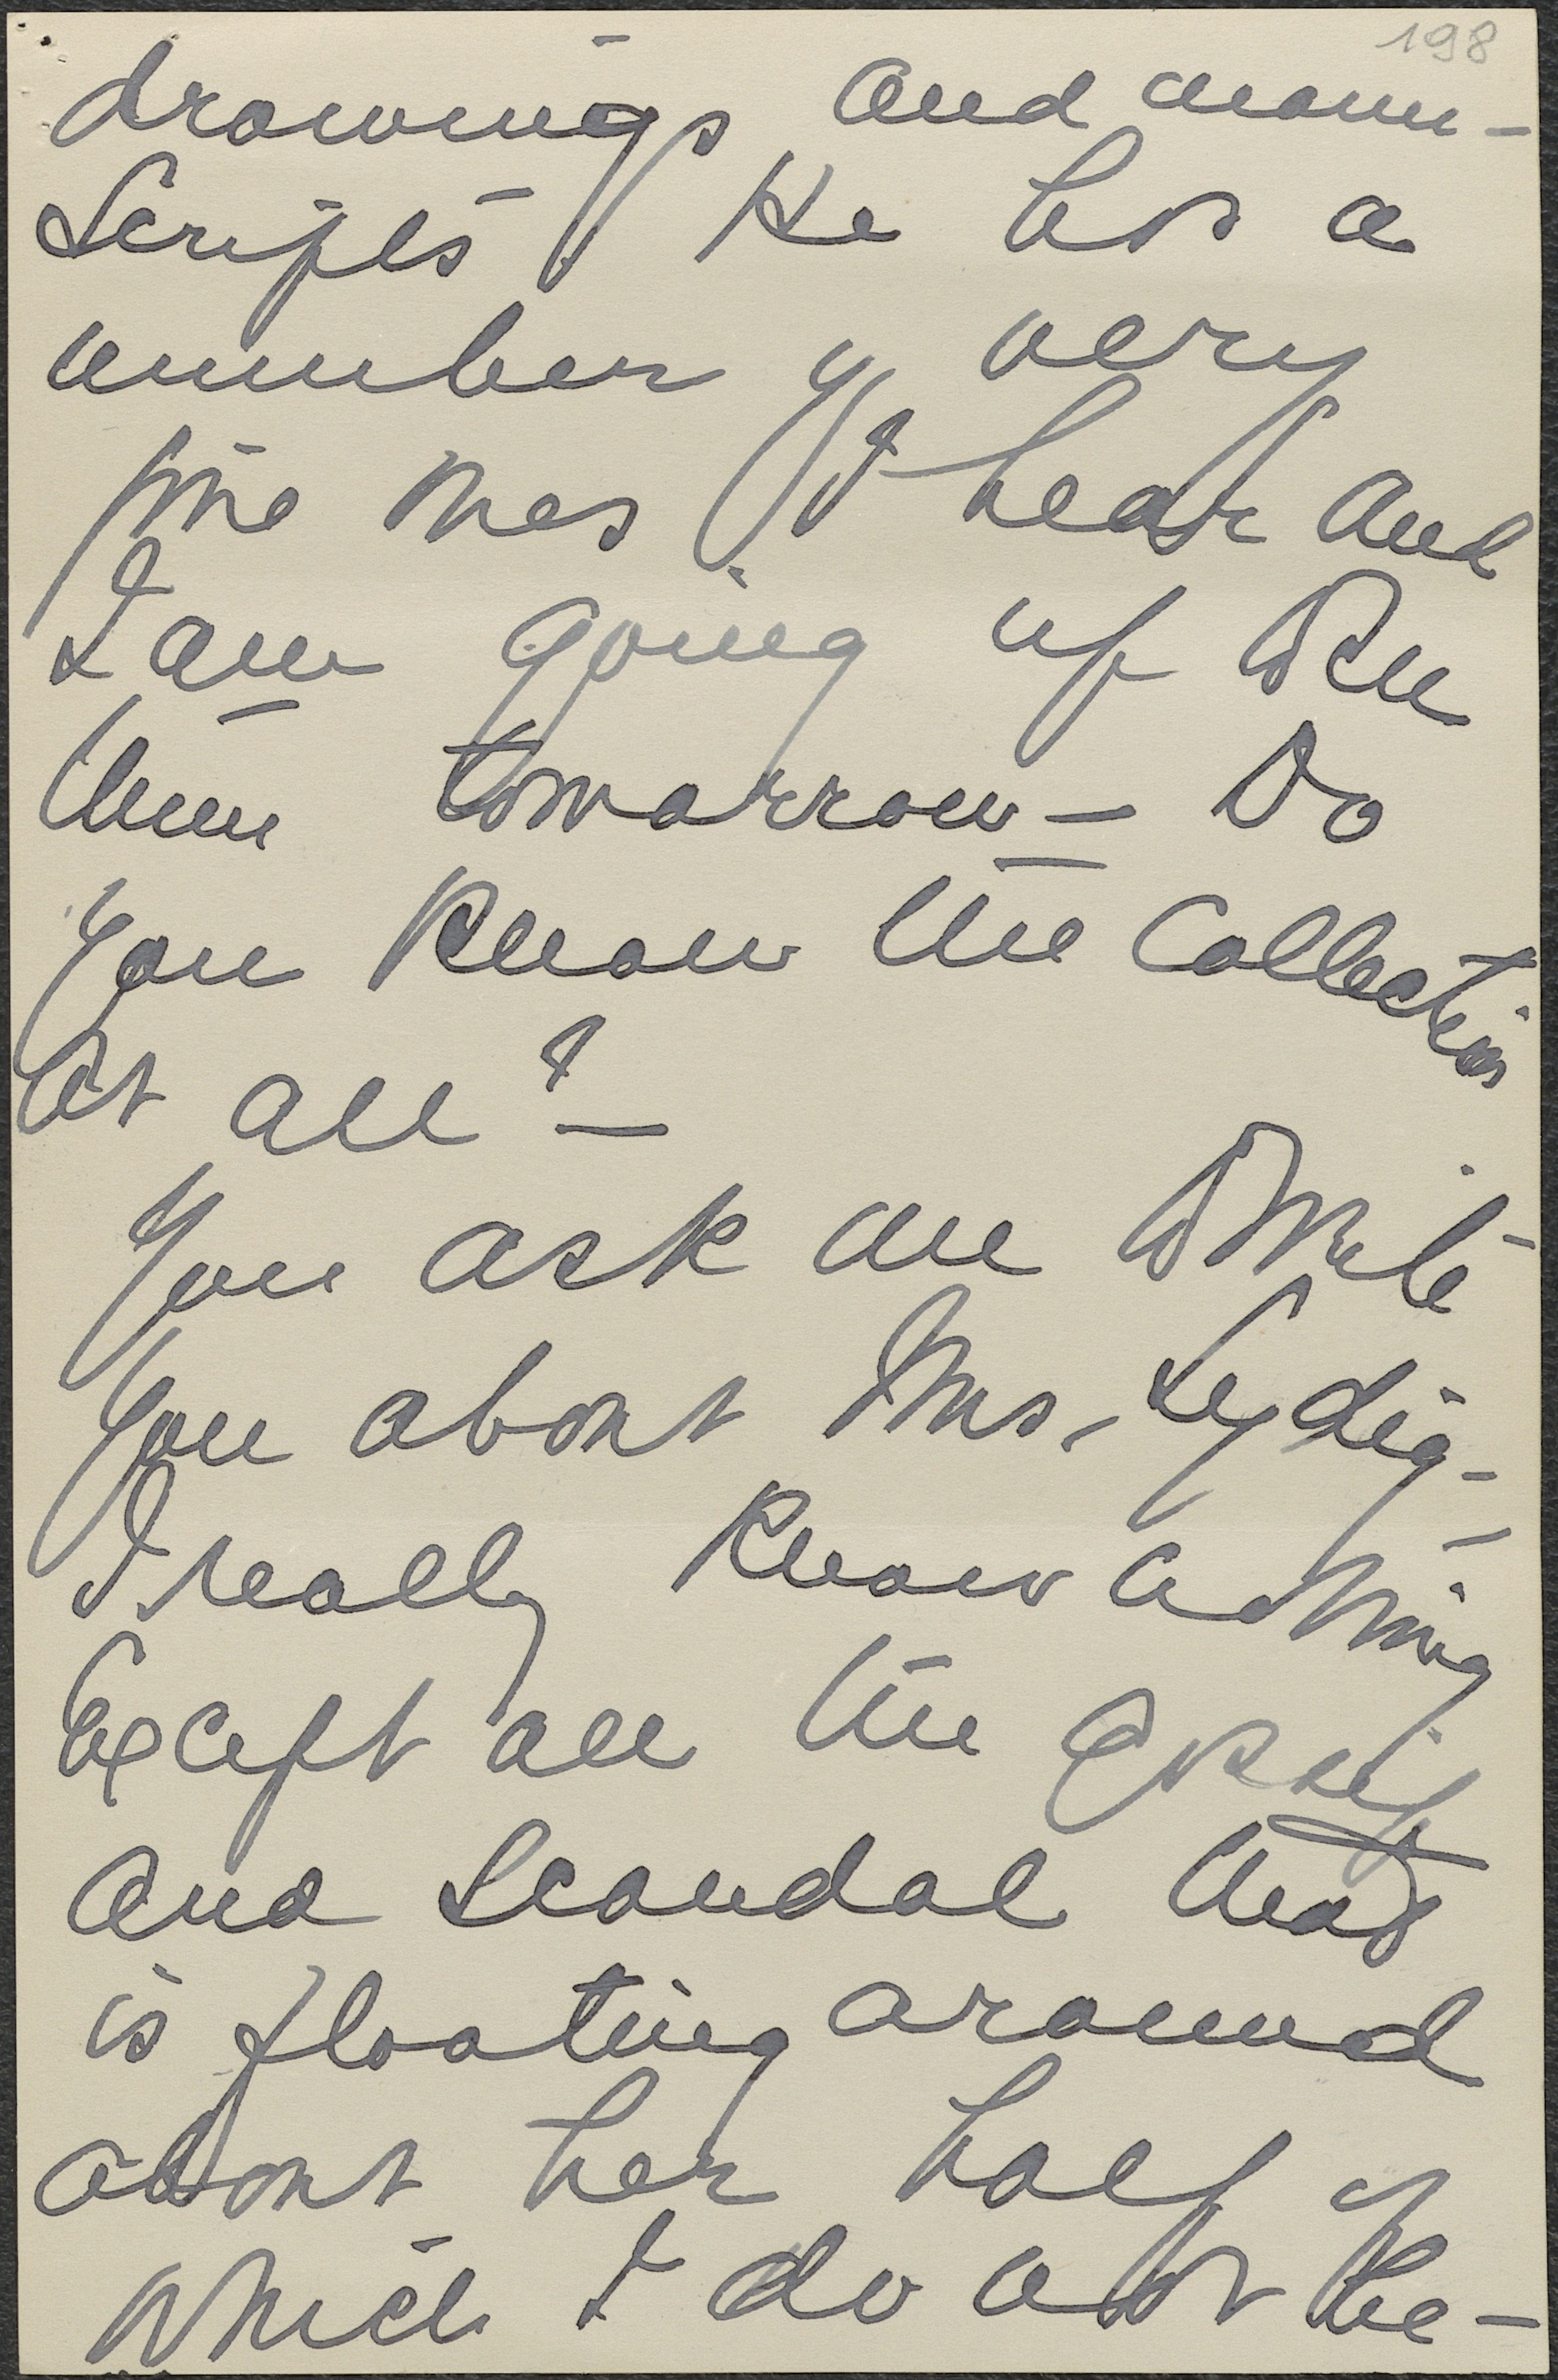drawings and manuscripts. He has a number of very fine ones I hear and I am going up to see them tomorrow – Do you know the collection at all? –
You ask me to write you about Mrs. Lydig – I really know nothing except all the gossip and scandal that is floating around about her half of which I do not believe,